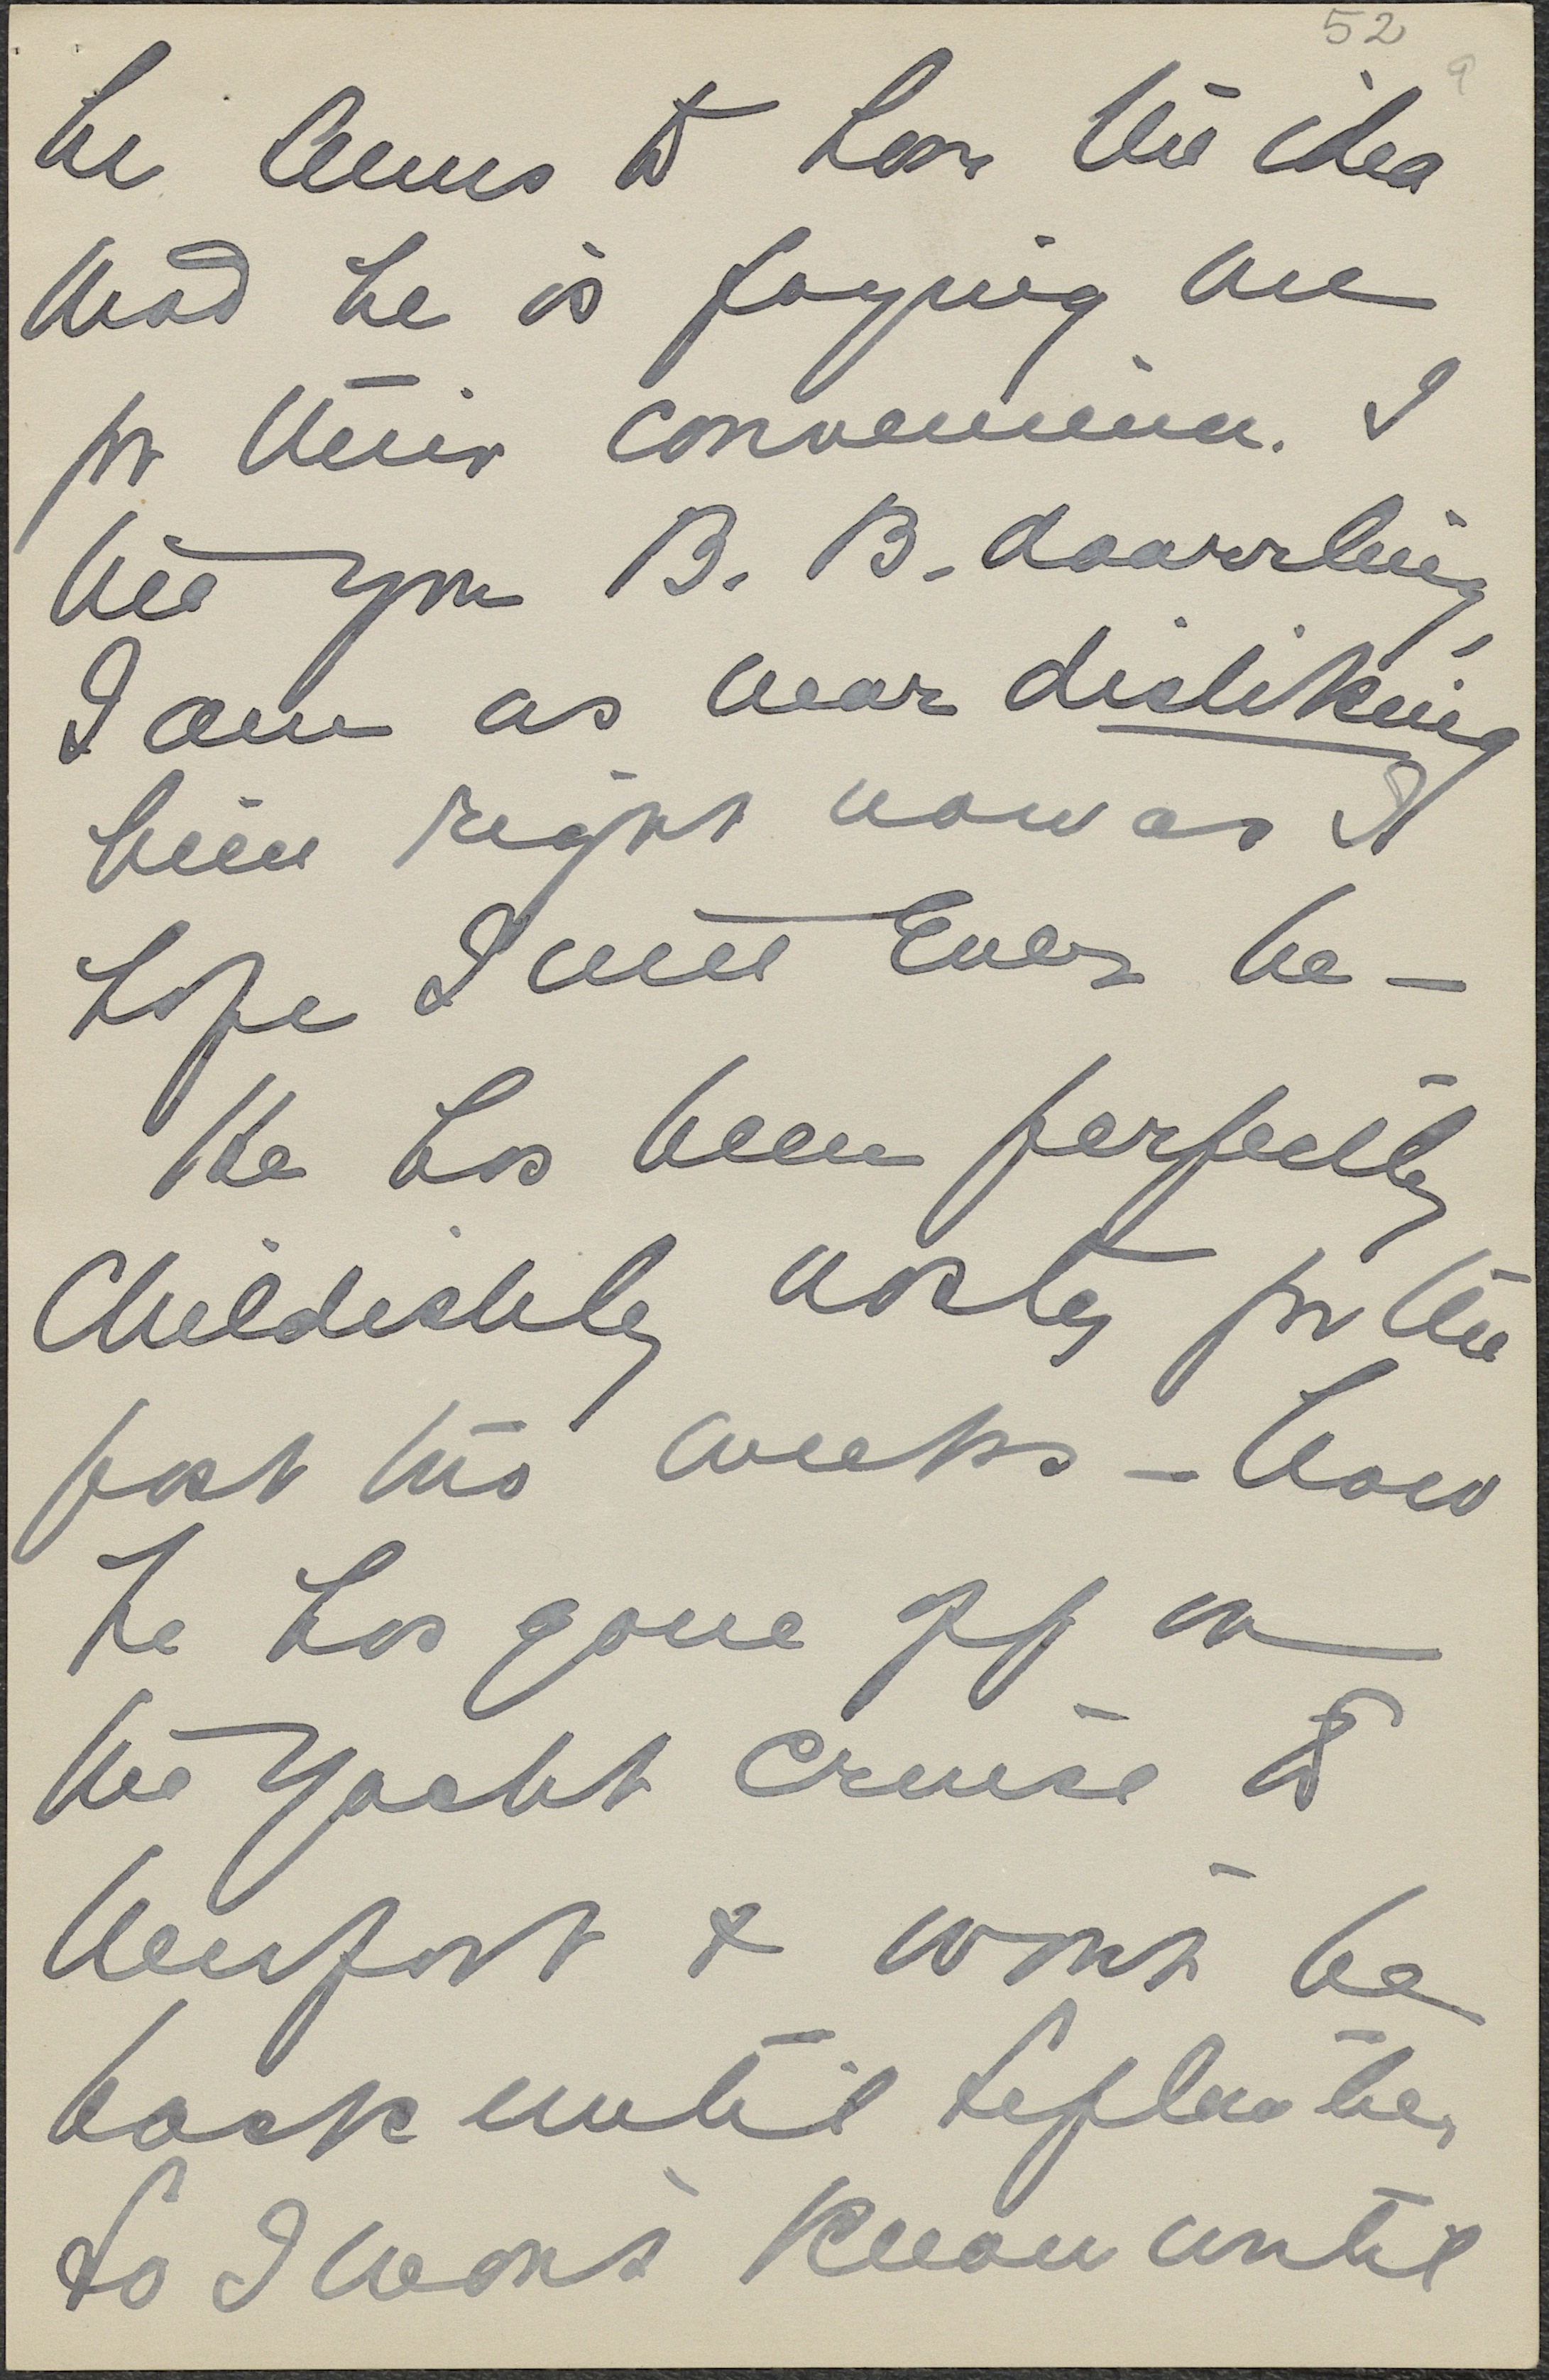he seems to have the idea that he is paying me for their convenience. I tell you B. B. daarrling I am as near disliking him right now as I hope I will ever be – He has been perfectly childishly nasty for the past two weeks – Now he has gone off on the yacht cruise to Newport & won’t be back until September so I won’t know until